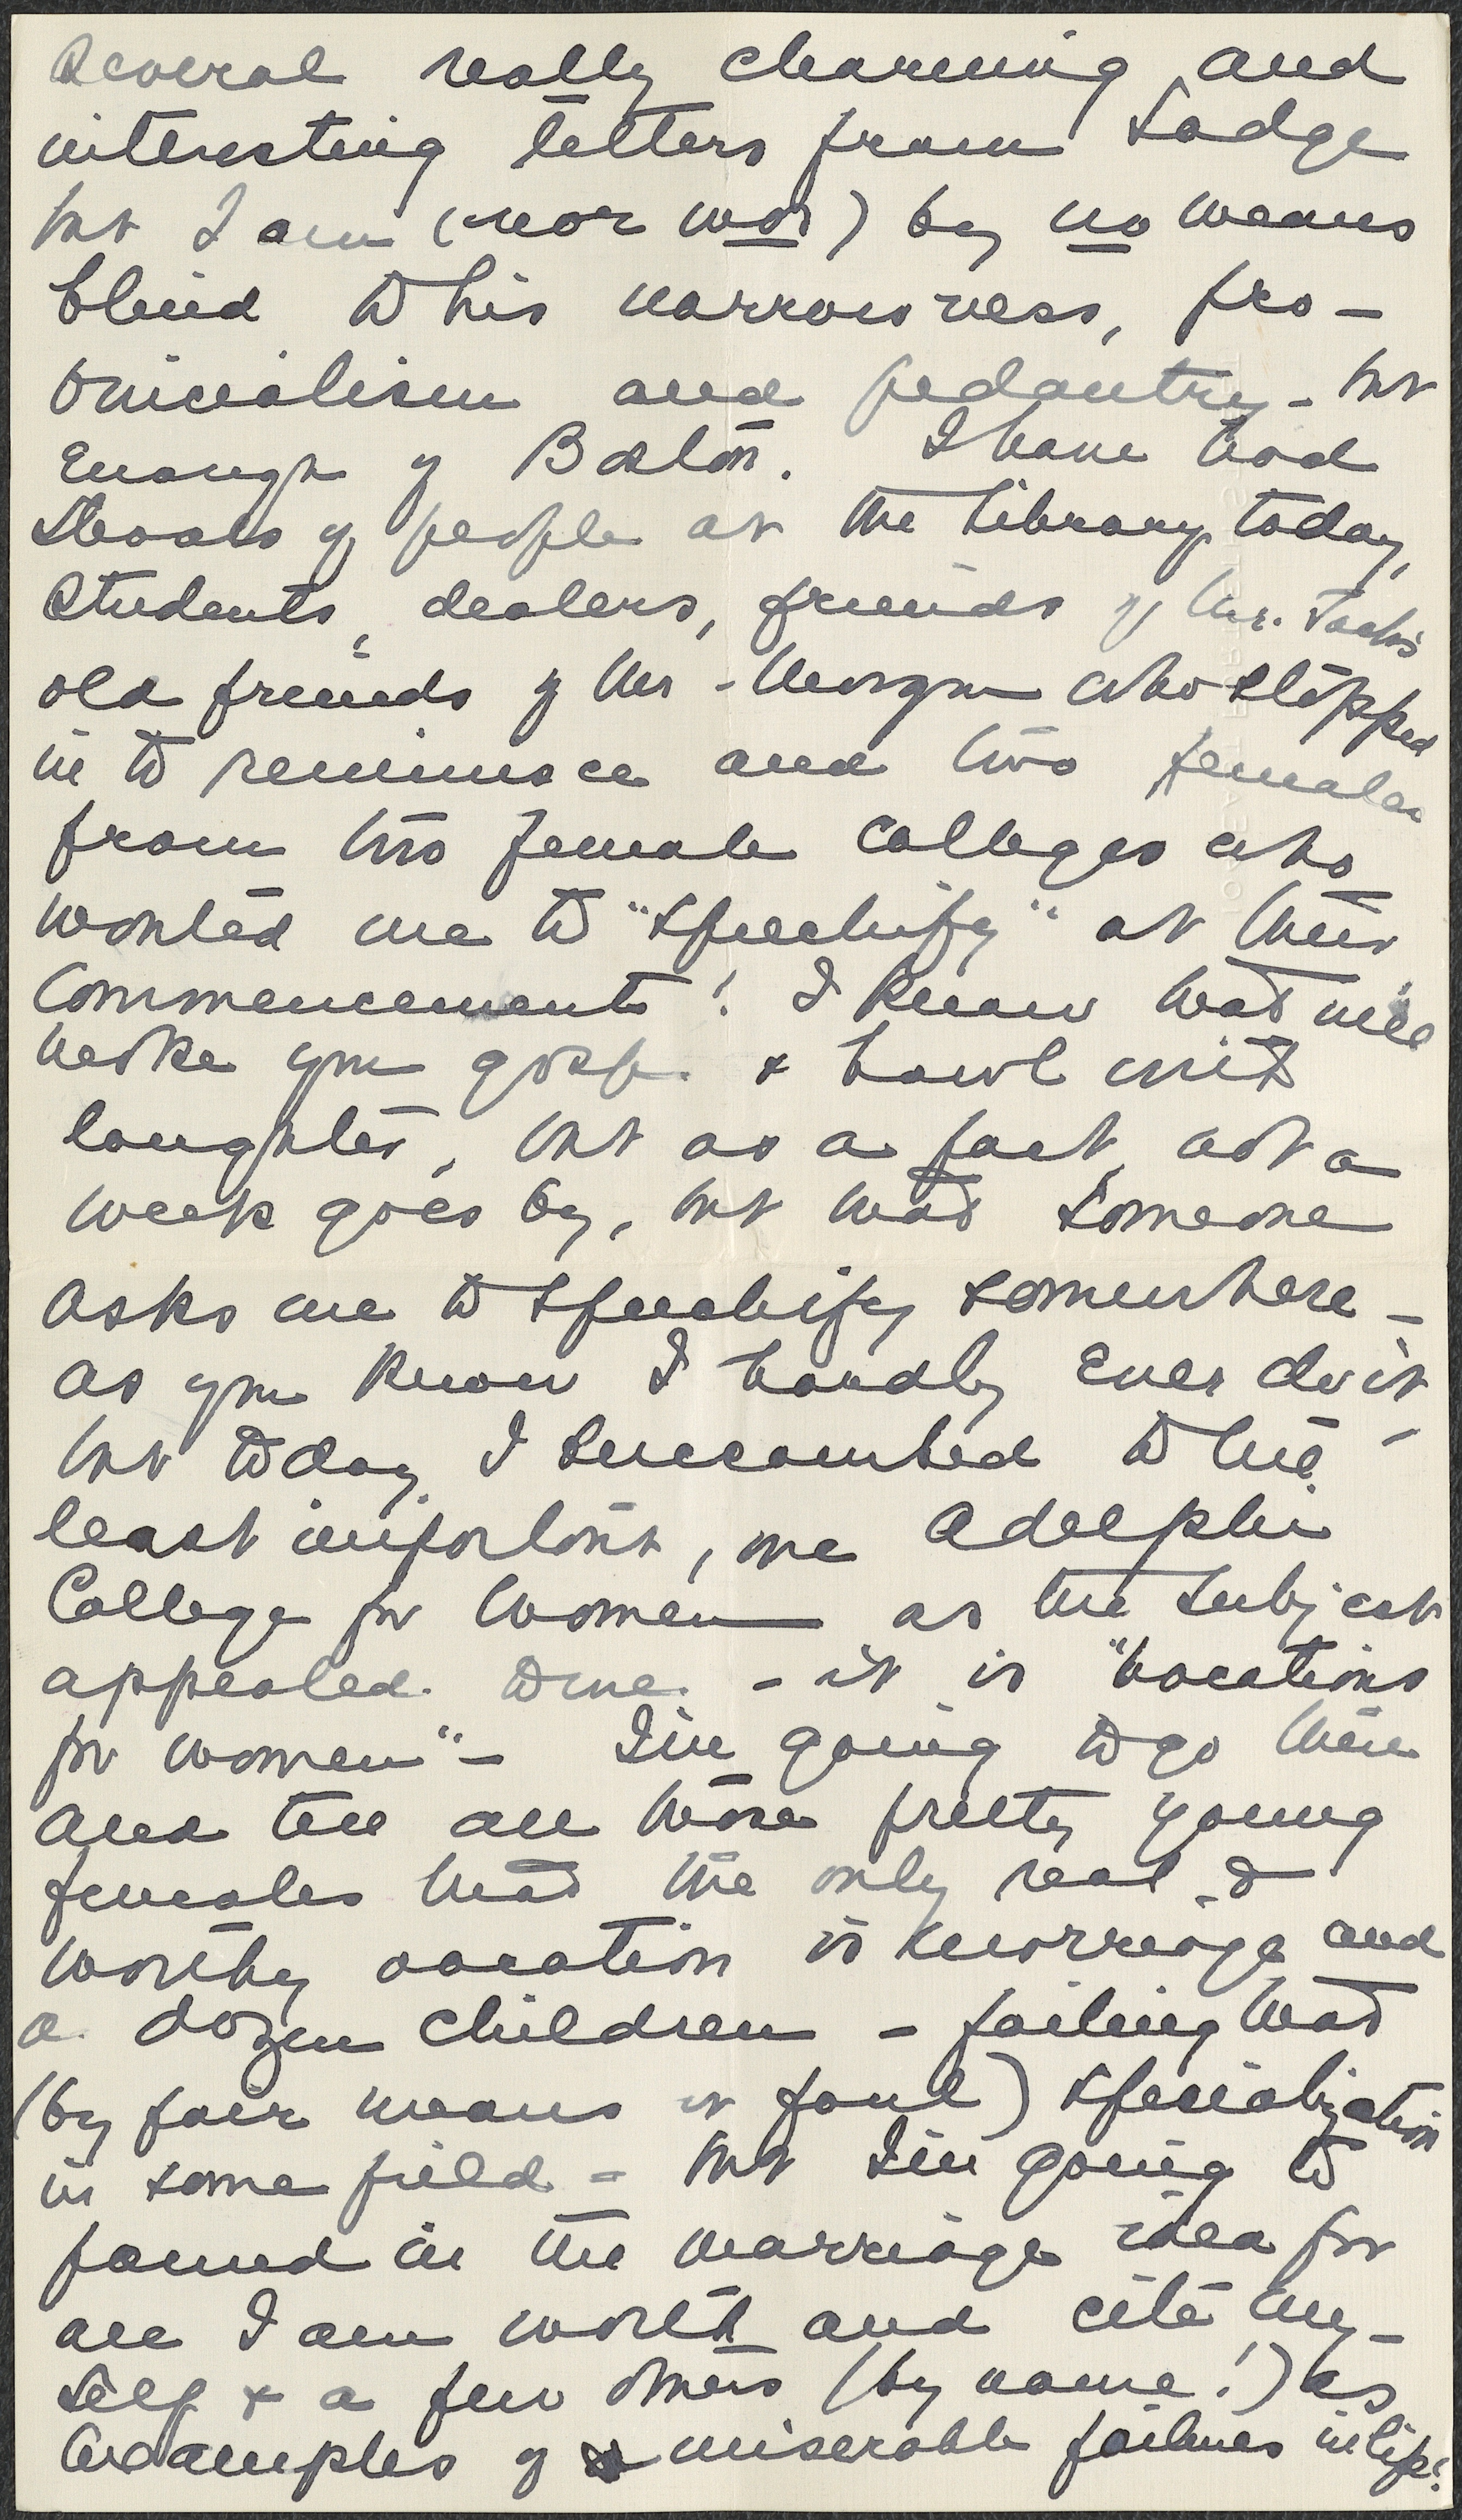several really charming and interesting letters from Lodge but I am (nor was) by no means blind to his narrowness, provincialism and pedantry – but enough of Boston. I have had shoals of people at the Library today, students, dealers, friends of Mr. Jack’s old friends of Mr. Morgan who stopped in to reminisce and two females from two female colleges who wanted me to “speechify” at their commencements! I know that will make you gasp & howl with laughter, but as a fact not a week goes by, but that someone asks me to speechify somewhere – as you know I hardly ever do it, but today I succumbed to the least important, one Adelphi College for Women as the subject appealed to me – it is “vocations for women” – I’m going to go there and tell all those pretty young females that the only real & worthy vocation is marriage and a dozen children – failing that (by fair means or foul) specialization in some field – but I’m going to pound in the marriage idea for all I am worth and cite myself & a few other (by name!) as examples of a miserable failures in life!